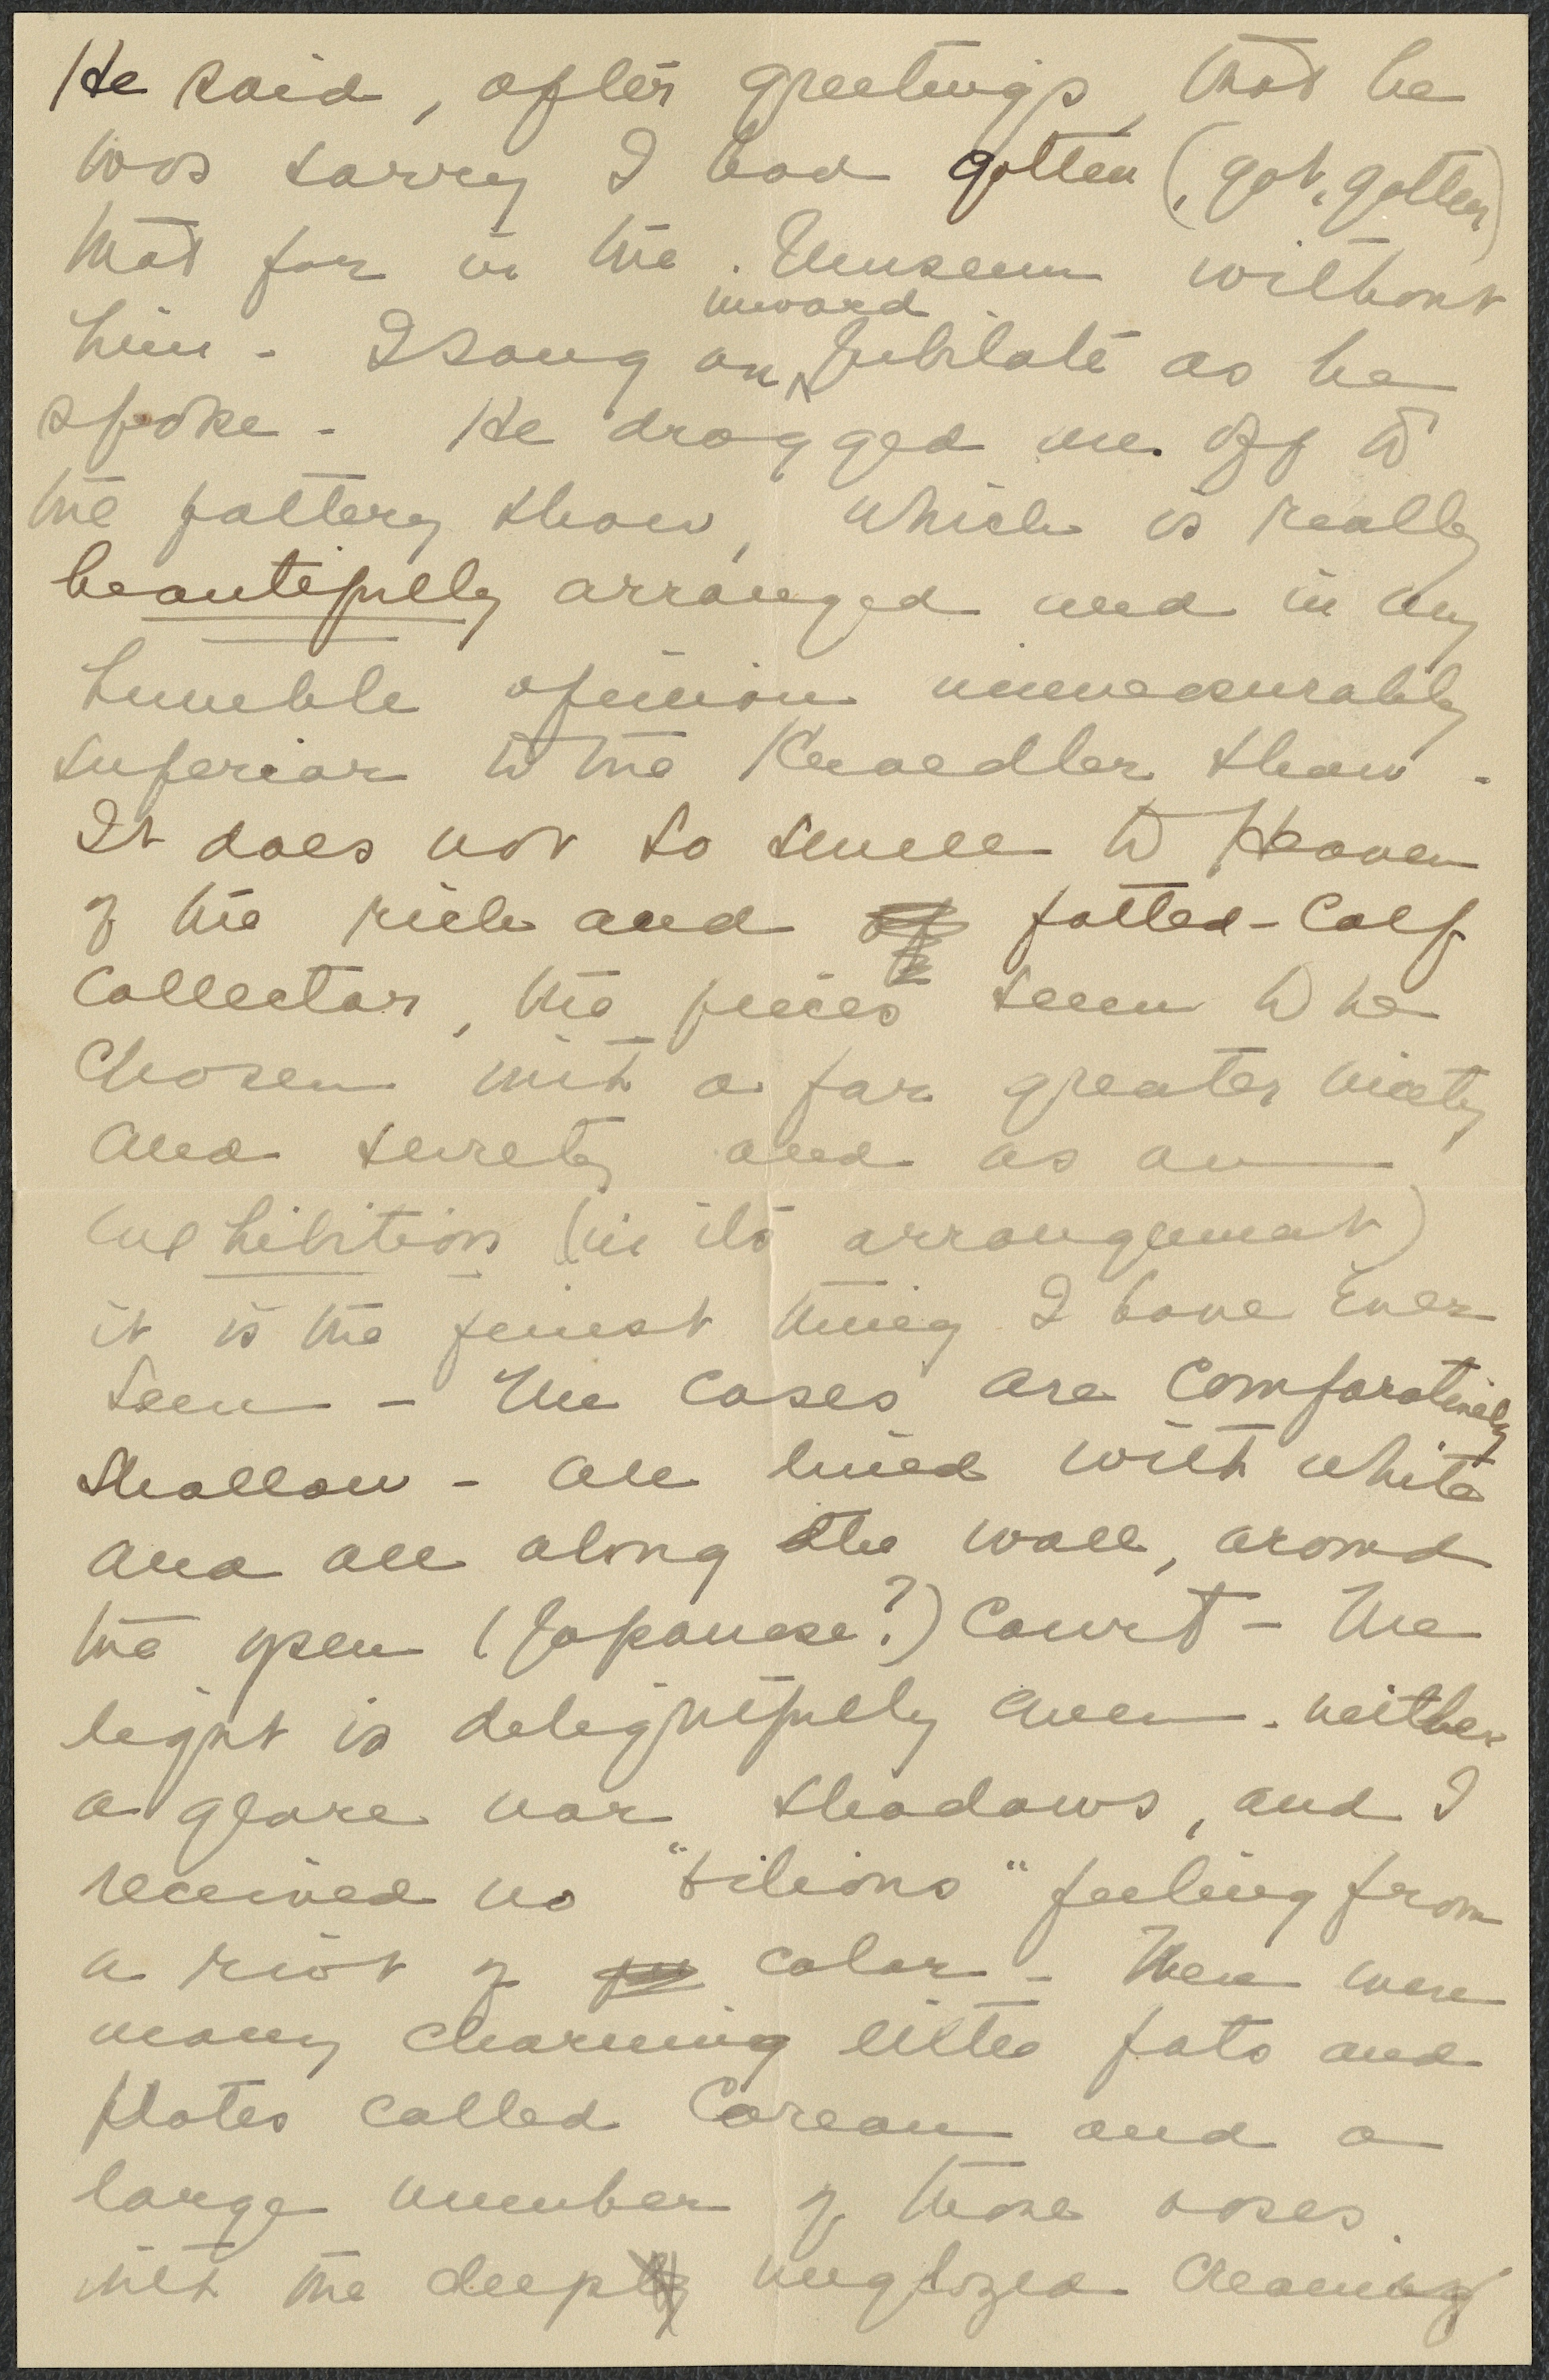He said, after greetings that he was very sorry I had gotten (,got, gotten) that for in the Museum without him – I sang an [^inward^] jubilate as he spoke – He dragged me off to the pottery show, which is really [double underlined: beautifully] arranged and in my humble opinion immeasurably superior to the Knoedler show –
It does not so smell to to Heaven of the rich and of fatted-calf collector, the pieces seem to be chosen with a far greater nicety and surety and as an exhibition (in its arrangement) it is the finest thing I have ever seen – the cases are comparatively shallow – all lined with white and all along dthe wall, around the open (Japanese?) court – the light is delightfully even – neither a glare nor shadows, and I received no “bilious” feeling from a riot of ju color – There were many charming little pots and plates called Corean and a large member of those vases with with the deeply unglazed cleaning[^y^]